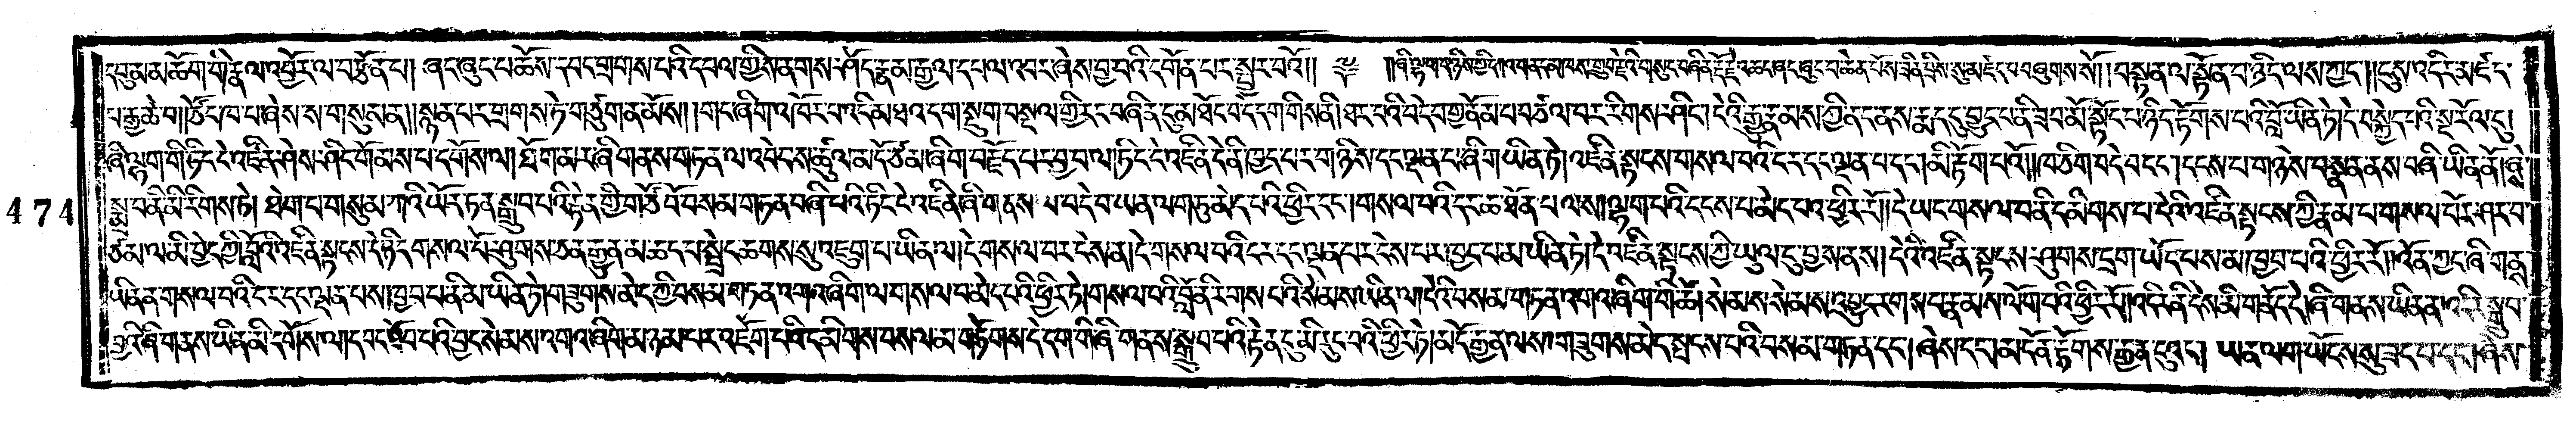དབུ་མ་མཆོག་གི་རྣལ་འབྱོར་ལ་བརྩོན་པ། ཞང་ཞུང་པ་ཆོས་དབང་གྲགས་པའི་དབལ་གྱིས་ནགས་ཤོད་རྣམ་རྒྱལ་དཔལ་འབར་ཞེས་བྱ་བའི་དགོན་པར་སྦྱར་བའོ།། ༈ །།ཞི་ལྷག་ད་ཉིས་ཀྱི་དཀའ་གནད་མཁས་གྲུབ་རྗེའི་གསུང་བཞིན་རྡོ་རྗེ་འཆང་ཞང་ཞུང་བ་ཆེན་པོས་ཟིན་བྲིས་སུ་མཛད་པ་བཞུགས་སོ།  །བསྟན་ལ་སྟོན་པ་ཉིད་ལས་ཀྱང་། །དུས་འདིར་མཛད་
པ་རྒྱ་ཆེ་བ། །ཙོང་ཁ་པ་ཞེས་ས་གསུམ་ན། །སྙན་པར་གྲགས་ཏེ་གཙུག་ན་མོས། །གང་ཞིག་འཁོར་བ་འདི་མཐའ་དག་སྡུག་བསྔལ་གྱི་རང་བཞིན་དུ་མཐོང་བ་དེ་དག་གིས་ནི། ཐར་བའི་བདེ་བ་གྱ་ནོམ་པ་བཙལ་བར་རིགས་ཤིང་། དེའི་རྒྱུ་རྣམས་ཀྱི་ནང་ནས་རྨད་དུ་བྱུང་པ་ནི་ཟབ་མོ་སྟོང་པ་ཉིད་རྟོགས་པའི་བློ་ཡིན་ཏེ། དེ་བསྐྱེད་པའི་སྔ་རོལ་དུ།
ཞི་ལྷག་གི་ཏིང་ངེ་འཛིན་ཤེས་ཤིང་གོམས་པ་དགོས་ལ། ཐོག་མར་ཞི་གནས་གཏན་ལ་འབེབས་ཚུལ་མདོ་ཙམ་ཞིག་བརྗོད་པར་བྱ་བ་ལ། ཏིང་ངེ་འཛིན་དེ་ནི་ཁྱད་པར་གཉིས་དང་ལྡན་པ་ཞིག་ཡིན་ཏེ། འཛིན་སྟངས་གསལ་བའི་ངར་དང་ལྡན་པ་དང་། མི་རྟོག་པའོ། །ཁ་ཅིག་བདེ་བ་དང་། དངས་པ་གཉིས་བསྣན་ནས་བཞི་ཡིན་ནོ། ཞེས་
སྨྲ་བ་ནི་མི་རིགས་ཏེ། ཐེག་པ་གསུམ་ཀའི་ཡོན་ཏན་སྒྲུབ་པའི་རྟེན་གྱི་གཙོ་བོ་བསམ་གཏན་བཞི་པའི་ཏིང་ངེ་འཛིན་ཞི་གནས་ལ་བདེ་བ་ཡན་ལག་ཏུ་མེད་པའི་ཕྱིར་དང་། གསལ་བའི་དར་ཆ་ཐོན་པ་ལས། ལྷག་པའི་དངས་པ་མེད་པའི་ཕྱིར་རོ། །དེ་ཡང་གསལ་བ་ནི་དམིགས་པ་དེའི་འཛིན་སྟངས་ཀྱི་རྣམ་པ་གསལ་བོར་ཤར་བ་
ཙམ་ལ་མི་བྱེད་ཀྱི། བློའི་འཛིན་སྟངས་དེ་ཉིད་གསལ་པོ་ཤུགས་ཅན་རྒྱུན་མ་ཆད་པ་སྤྲེང་ཆགས་སུ་འཇུག་པ་ཡིན་ལ། དེ་གསལ་བར་ངེས་ན། དེ་གསལ་བའི་ངར་དང་ལྡན་པར་ངེས་པར་ཁྱད་པ་མ་ཡིན་ཏེ། དེ་འཛིན་སྟངས་ཀྱི་ཡུལ་དུ་བྱས་ནས། དེའི་འཛིན་སྟངས་ཤུགས་དྲག་ཡོད་པས་མ་ཁྱབ་པའི་ཕྱིར་རོ། །འོན་ཀྱང་ཞི་གནས་
ཡིན་ན་གསལ་བའི་ངར་དང་ལྡན་པས་ཁྱབ་པ་ནི་མ་ཡིན་ཏེ། གཟུགས་མེད་ཀྱི་བསམ་གཏན་འགའ་ཞིག་ལ་གསལ་བ་མེད་པའི་ཕྱིར་ཏེ། གསལ་བའི་བློན་རིགས་པའི་སེམས་ཡིན་ལ། དེའི་བསམ་གཏན་འགའ་ཞིག་གི་ཚོ། སེམས་སེམས་འབྱུང་རགས་པ་རྣམས་ལོག་པའི་ཕྱིར་རོ། །འདིར་ནི་དེས་མི་གནོད་དེ། ཞི་གནས་ཡིན་ན། འདིར་སྒྲུབ་
བྱའི་ཞི་གནས་ཡིན་མི་དགོས་ལ། དབང་ཐོབ་བའི་བྱང་སེམས་འགའ་ཞིག་མཉམ་པར་འཇོག་བའི་དམིགས་བསལ་མ་གཏོགས་དེ་དག་གི་ཞི་གནས་སྒྲུབ་པའི་རྟེན་དུ་མི་རུང་བའི་ཕྱིར་ཏེ། མདོ་རྒྱན་ལས། གཟུགས་མེད་སྤངས་བའི་བསམ་གཏན་དང་། ཞེས་དང་། མངོན་རྟོགས་རྒྱན་དུའང་། ཡན་ལག་ཡོངས་སུ་ཟད་བ་དང་། ཞེས་